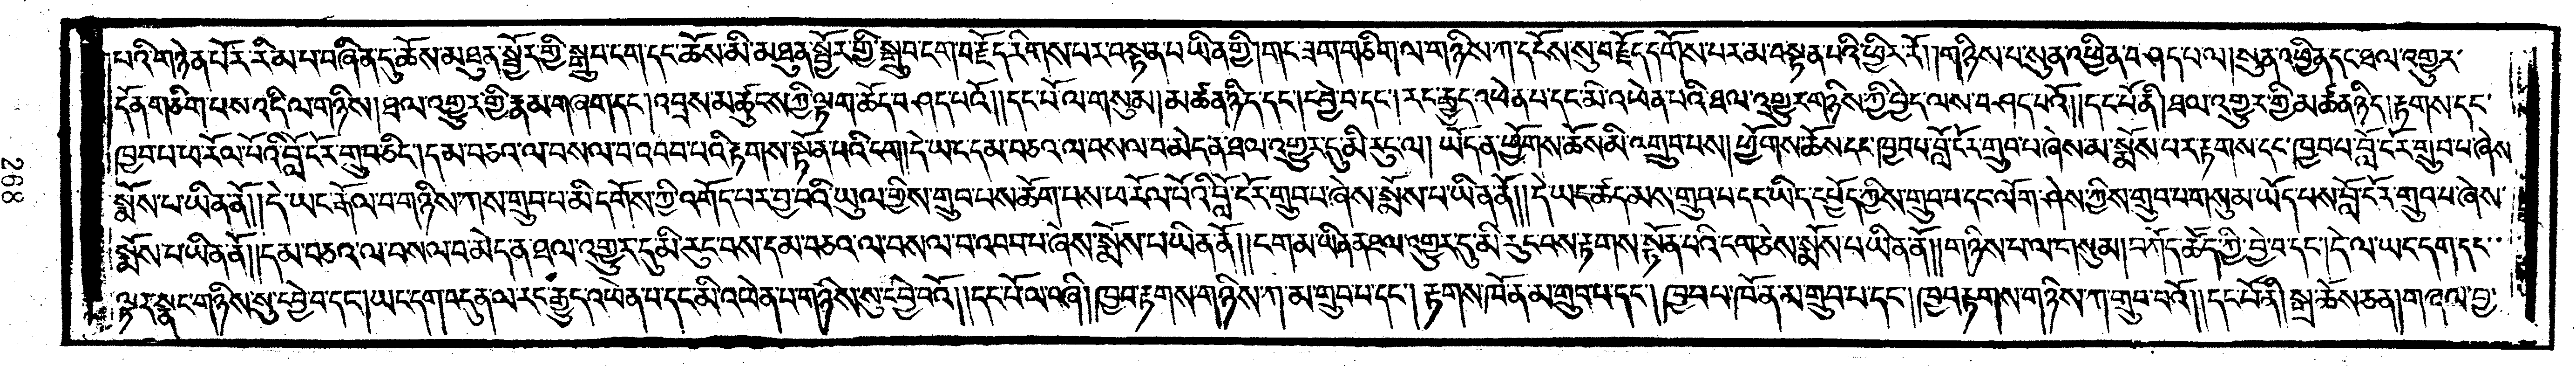པའི་གཉེན་པོར་རིམ་པ་བཞིན་དུ་ཆོས་མཐུན་སྦྱོར་གྱི་སྒྲུབ་ངག་དང་ཆོས་མི་མཐུན་སྦྱོར་གྱི་སྒྲུབ་ངག་བརྗོད་རིགས་པར་བསྟན་པ་ཡིན་གྱི། གང་ཟག་གཅིག་ལ་གཉིས་ཀ་དངོས་སུ་བརྗོད་དགོས་པར་མ་བསྟན་པའི་ཕྱིར་རོ། །གཉིས་པ་སུན་འབྱིན་བཤད་པ་ལ། སུན་འབྱིན་དང་ཐལ་འགྱུར་
དོན་གཅིག་པས་འདི་ལ་གཉིས། ཐལ་འགྱུར་གྱི་རྣམ་གཞག་དང་། འབྲས་མཚུངས་ཀྱི་ལྟག་ཆོད་བཤད་པའོ། །དང་པོ་ལ་གསུམ། མཚན་ཉིད་དང་། དབྱེ་བ་དང་། རང་རྒྱུད་འཕེན་པ་དང་མི་འཕེན་པའི་ཐལ་འགྱུར་གཉིས་ཀྱི་བྱེད་ལས་བཤད་པའོ། །དང་པོ་ནི། ཐལ་འགྱུར་གྱི་མཚན་ཉིད། རྟགས་དང་
ཁྱབ་པ་ཕ་རོལ་པོའི་བློ་ངོར་གྲུབ་ཅིང་། དམ་བཅའ་ལ་བསལ་བ་འབབ་པའི་རྟགས་སྟོན་པའི་ངག །དེ་ཡང་དམ་བཅའ་ལ་བསལ་བ་མེད་ན་ཐལ་འགྱུར་དུ་མི་རུང་ལ། ཡོད་ན་ཕྱོགས་ཆོས་མི་འགྲུབ་པས། ཕྱོགས་ཆོས་དང་ཁྱབ་པ་བློ་ངོར་གྲུབ་པ་ཞེས་མ་སྨོས་པར་རྟགས་དང་ཁྱབ་པ་བློ་ངོར་གྲུབ་པ་ཞེས་
སྨོས་པ་ཡིན་ནོ། །དེ་ཡང་རྒོལ་བ་གཉིས་ཀས་གྲུབ་པ་མི་དགོས་ཀྱི་འགོད་པར་བྱ་བའི་ཡུལ་གྱིས་གྲུབ་པས་ཆོག་པས་ཕ་རོལ་པོའི་བློ་ངོར་གྲུབ་པ་ཞེས་སྨོས་པ་ཡིན་ནོ། དེ་ཡང་ཚད་མས་གྲུབ་པ་དང་ཡིད་དཔྱོད་ཀྱི་སྒྲུབ་པ་དང་ལོག་ཤེས་ཀྱི་གྲུབ་པ་གསུམ་ཡོད་པས་བློ་ངོར་གྲུབ་པ་ཞེས་
སྨོས་པ་ཡིན་ནོ། །དམ་བཅའ་ལ་བསལ་བ་མེད་ན་ཐལ་འགྱུར་དུ་མི་རུང་བས་དམ་བཅའ་ལ་བསལ་བ་འབབ་པ་ཞེས་སྨོས་པ་ཡིན་ནོ། །ངག་མ་ཡིན་ན་ཐལ་འགྱུར་དུ་མི་རུང་བས་རྟགས་སྟོན་པའི་ངག་ཅེས་སྨོས་པ་ཡིན་ནོ། །གཉིས་པ་ལ་གསུམ། བཀོད་ཚོད་ཀྱི་དབྱེ་བ་དང་། དེ་ལ་ཡང་དག་དང་
ལྟར་སྣང་གཉིས་སུ་དབྱེ་བ་དང་། ཡང་དག་བདུན་ལ་རང་རྒྱུད་འཕེན་པ་དང་མི་འཕེན་པ་གཉིས་སུ་དབྱེ་བའོ། །དང་པོ་ལ་བཞི། ཁྱབ་རྟགས་གཉིས་ཀ་མ་གྲུབ་པ་དང་། རྟགས་ཁོ་ན་མ་གྲུབ་པ་དང་། ཁྱབ་པ་ཁོ་ན་མ་གྲུབ་པ་དང་། ཁྱབ་རྟགས་གཉིས་ཀ་གྲུབ་པའོ། །དང་པོ་ནི། སྒྲ་ཆོས་ཅན། གཞལ་བྱ་